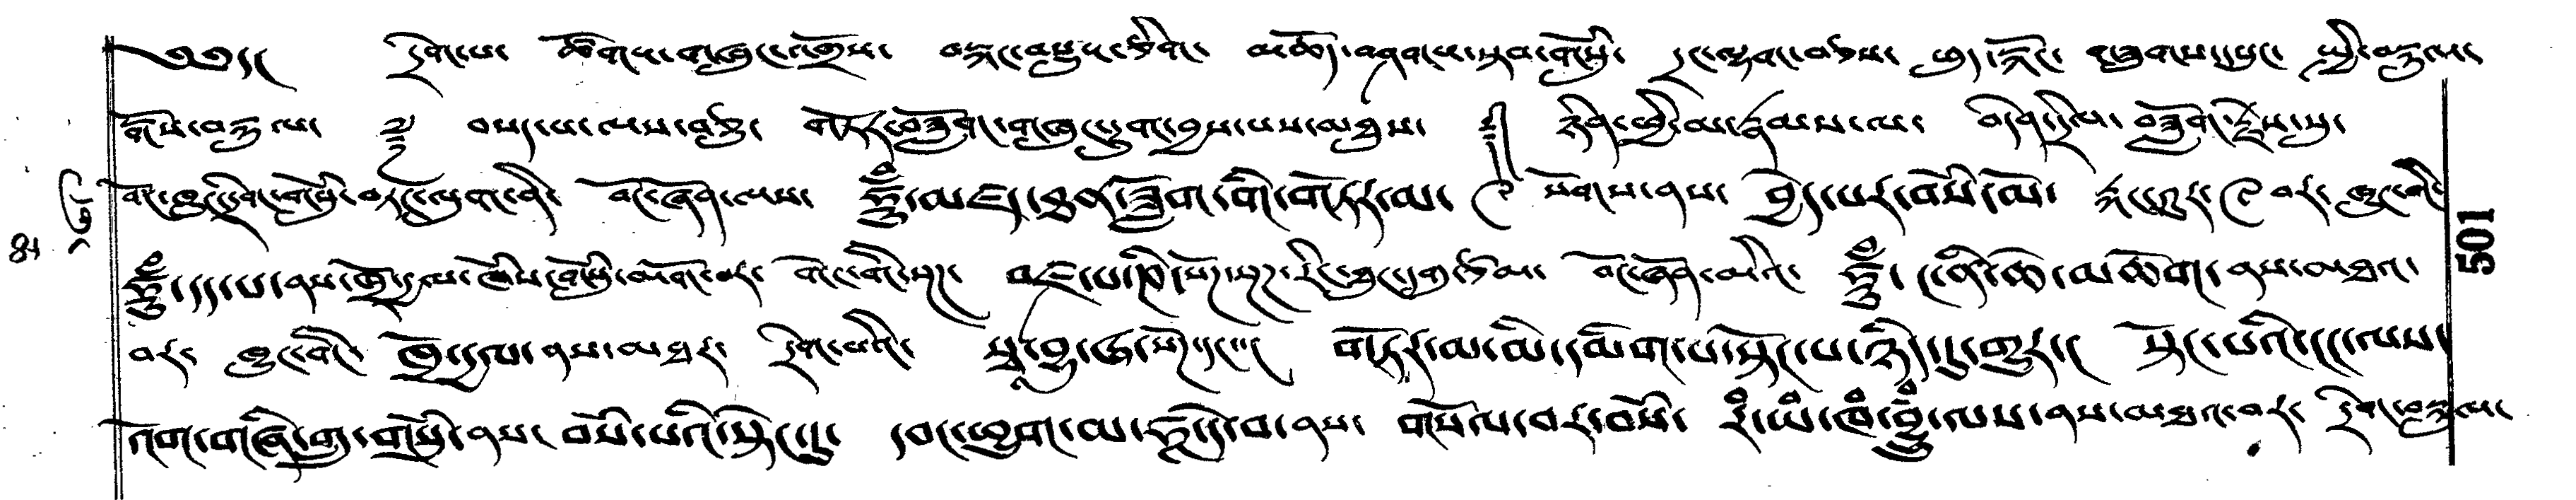དྲེགས་པ། ཚོགས་གཞུང་འགྲོས། བསྐང་བསྡུས་ཅིགམཆོད་བཤགས་སྟབ་གསུམ། དྲང་ལྷག་བཅས། ཕུད་སྐོང་། གཟུ་དཔང་། སྤྱི་བསྐུལ། 
སྒོས་བསྐུལ། ༈ བསད་པ་ལས་བཅུ། གཏོར་བཟློག་གཞུང་རྒྱུག་བྱས་པས་མཐུས། ༈ ཉིན་ཕྱི་མ་རྣམས་ལ། བདེན་དྲིལ་བཟློག་གསུམ་རྗེས་སུ་
བོང་ཁྱུང་དྲེགས་གསུམ་བཏང་ལུགས་ནི། བོང་ཞོན་ལས། ཧཱུྃ། དམ་རྫས་ཐུན་ཟློག་གི་གཏོར་མ༴ སོགས་ནས། བྱེད་པར་བསམ་མོ། ( རྐང་འུར་དགུ་བར་། ) ཁྱུང་གི 
ཧཱུྃ༔དད་པ༴ ནས་ཁྲོ་རྒྱལ་ཁམས་གསུམ་འགོ་བར། གོང་གི་སྔགས། བཛྲ་པ་ཎི༴ སོགས་སྔགས་རིང་ཐུང་དགུ་ཙམ། བོང་ཞོན་མའི། ཧཱུྃ། ང་ནི་ཆེ་མཆོག༴ ནས་མཐའ་
བར། ཁྱུང་གི ཁྲོ་རྒྱལ་ནས༴ མཐར། དྲེགས་པའི། སྭ་བྷ་ཝ༴ སོགས་དང་། གཏོར་མ་མི་དམིགས་པ་སྟོང་པ་ཉིད་དུ་གྱུར། སྟོང་པའི་ངང་ལས་
འོག་གཞི་གྲུ་གསུམ་ནས། བསམ་པའི་སྟེང་དུ། དབང་ཕྱུག་མ་ཧཱ་དེ་བ༴ ནས། གསོལ་བར་བསམ། རྃ་ཡྃ་ཁྃ་བྷྲུྃ་ལས༴ ནས་མཐའ་བར། དྲེགས་བསྐུལ།